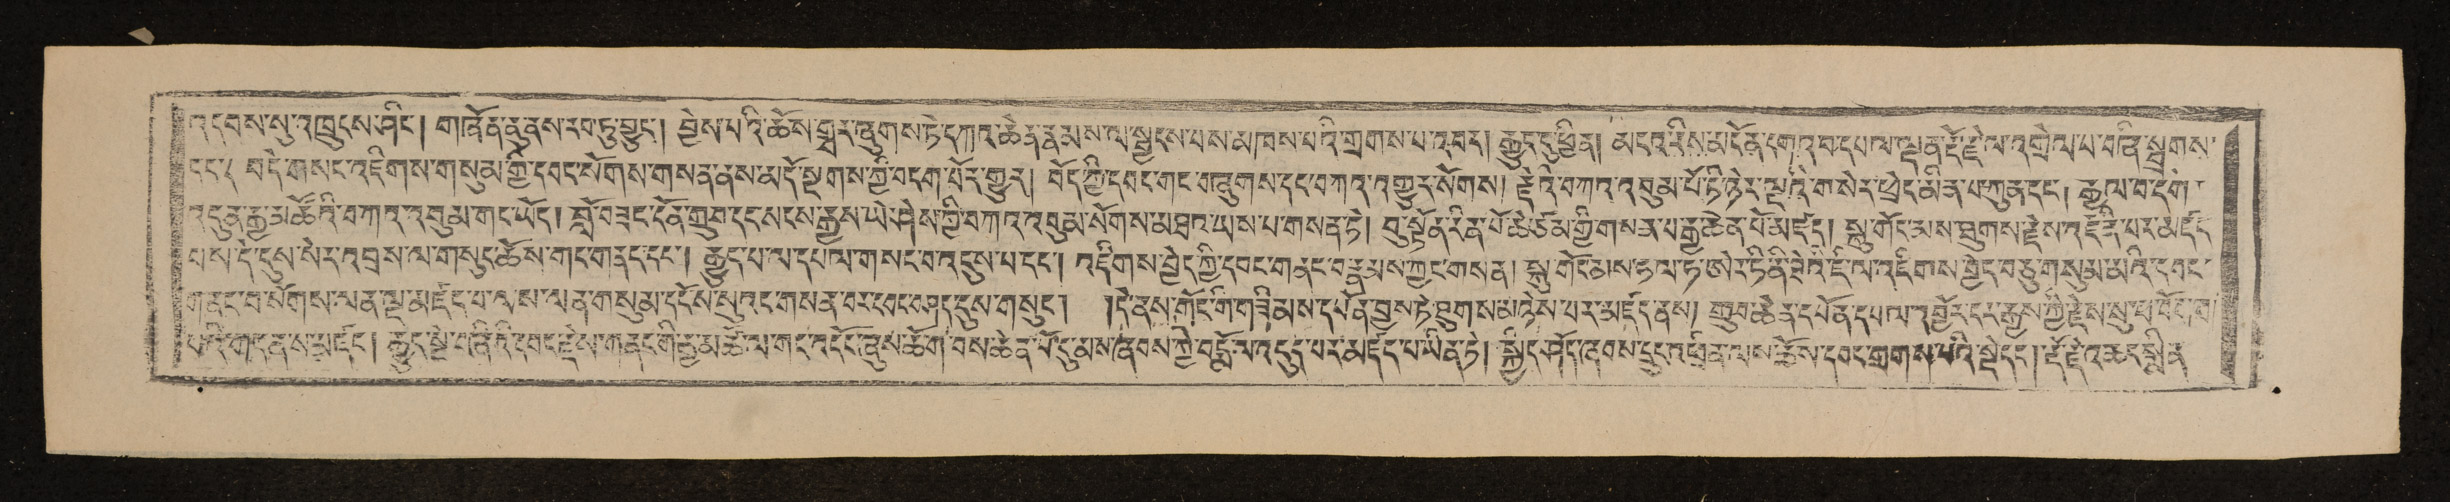འདབས་སུ་འཁྲུངས་ཤིང་། གཞོན་ནུ་ནས་རབ་ཏུ་བྱུང་། བྱེས་པའི་ཆོས་གྲྭར་ཞུགས་ཏེ་དཀའ་ཆེན་རྣམས་ལ་སྦྱངས་པས་མཁས་པའི་གྲགས་པ་འབར། རྒྱུད་དུ་ཕྱིན། མངའ་རིས་མངོན་དགའ་བ་དཔལ་ལྡན་རྡོ་རྗེ་ལ་འགྲེལ་པ་བཞི་སྦྲགས་
དང༑ བདེ་གསང་འཇིགས་གསུམ་གྱི་དབང་སོགས་གསན་ནས་མདོ་སྔགས་ཀྱི་བདག་པོར་གྱུར། བོད་ཀྱི་དབང་གང་བཞུགས་དང་བཀའ་འགྱུར་སོགས། རྗེའི་བཀའ་འབུམ་པོ་ཏི་ཉེར་ལྔའི་གསེར་ཕྲེང་མིན་པ་ཀུན་དང་། རྒྱལ་བ་དགེ་
འདུན་རྒྱ་མཚོའི་བཀའ་འབུམ་གང་ཡོད། བློ་བཟང་དོན་གྲུབ་དང་སངས་རྒྱས་ཡེ་ཤེས་ཀྱི་བཀའ་འབུམ་སོགས་མཐའ་ཡས་པ་གསན་ཏེ། བུ་སྟོན་རིན་པོ་ཆེ་ཙམ་གྱི་གསན་པ་རྒྱ་ཆེན་པོ་མཛད། སྐུ་གོང་མས་ཐུགས་རྗེས་འཛིན་པར་མཛད་
པས་དེ་དུས་སེར་འབྲས་ལ་གསུང་ཆོས་གང་གནང་དང་། རྒྱུད་པ་ལ་དཔལ་གསང་བ་འདུས་པ་དང་། འཇིགས་བྱེད་ཀྱི་དབང་གནང་བ་རྣམས་ཀྱང་གསན། སྐུ་གོང་མས་ཧལ་ཧ་ཨེར་ཏི་ནི་ཐེའི་ཇི་ལ་འཇིགས་བྱེད་བཅུ་གསུམ་མའི་དབང་
གནང་པ་སོགས་ལན་ལྔ་མཛད་པ་ལས་ལན་གསུམ་དངོས་སུའང་གསན་པར་དབང་བཤད་དུས་གསུང་། དེ་ནས་གོང་གི་གཟིམས་དབོན་བྱས་ཏེ་ཐུགས་མཉེས་པར་མཛད་ནས། གྲུབ་ཆེན་དཔོན་དཔལ་འབྱོར་དར་རྒྱས་ཀྱི་རྗེས་སུ་ཕ་བོང་ཁ་
པའི་གདན་ས་མཛད། རྒྱུད་སྡེ་བཞིའི་དབང་རྗེས་གནང་གི་རྒྱ་མཚོ་ལ་གང་འདོད་ཞུས་ཆོག་པས་ཆེན་པོ་དུ་མས་ཞབས་ཀྱི་པདམོ་ལ་འདུད་པར་མཛད་པ་ཡིན་ཏེ། སྐྱིད་ཤོད་ཞབས་དྲུང་འཕྲིན་ལས་ཆོས་དབང་གྲགས་པའི་སྡེ་དང་། རྡོ་རྗེ་འཆང་སྨིན་